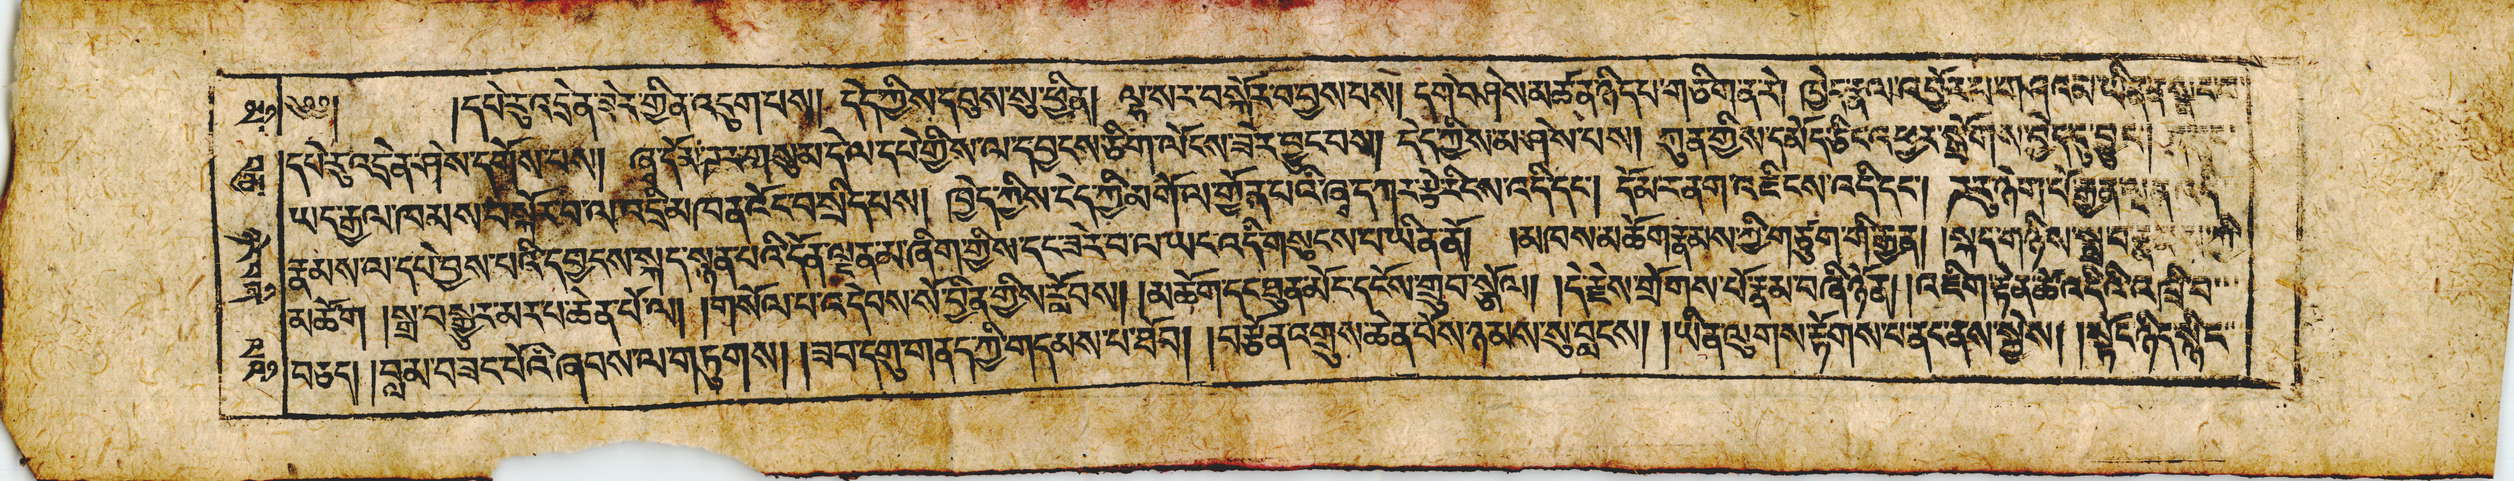དཔེ་རུ་འདྲེན་ཟེར་གྱིན་འདུག་པས། ངེད་ཀྱིས་དབུས་སུ་ཕྱིན། ལྷ་སར་བསྐོར་བ་བྱས་པས། དགེ་བཤེས་མཚན་ཉིད་པ་གཅིག་ན་རེ། ཁྱེད་རྣལ་འབྱོར་པ་གཤའ་མ་ཡིན་ན་སྣང་བ་
དཔེ་རུ་འདྲེན་ཤེས་དགོས་པས། ཞྭ་དོར་ཌར་གསུམ་དེ་ལ་དཔེ་གྱིས་ལ་དབྱངས་ཅིག་ལོངས་ཟེར་བྱུང་བས། ངེད་ཀྱིས་མ་ཤེས་པས། ཀུན་གྱིས་དམོད་ཅིང་འཕྱར་སྒྲོགས་བྱེད་དུ་བྱུང་། །ད་དུང་
ཡང་རྒྱལ་ཁམས་པ་སྐོར་བ་ལ་འདྲི་མཁན་འོང་བ་སྲིད་པས། ཁྱེད་ཀྱིས་ངེད་ཀྱི་མགོ་ལ་གྱོན་པའི་ཞྭ་དཀར་ཚེ་རིངས་འདི་དང་། དོམ་ར་ནག་འཛིངས་འདི་དང་། ཌ་རུ་རྡེག་པོ་རྒྱན་ལྡན་
རྣམས་ལ་དཔེ་བྱས་པའི་དབྱངས་སྐད་སྙན་པའི་དོན་ལྡན་མ་ཞིག་གྱིས་དང་ཟེར་བ་ལ་ཡང་འདི་གསུངས་པ་ཡིན་ནོ། །མཁས་མཆོག་རྣམས་ཀྱི་གཙུག་གི་རྒྱན། །སྐད་གཉིས་སྨྲ་བ་རྣམས་ཀྱི་
མཆོག །སྒྲ་བསྒྱུར་མར་པ་ཆེན་པོ་ལ། །གསོལ་བ་འདེབས་སོ་བྱིན་གྱིས་རློབས། །མཆོག་དང་ཐུན་མོང་དངོས་གྲུབ་སྩོལ། །དེ་རྗེས་གྲོགས་པོ་རྣམ་བཞི་ནི། །འཇིག་རྟེན་ཚེ་འདིའི་འཁྲི་བ་
བཅད། །བླ་མ་བཟང་པོའི་ཞབས་ལ་གཏུགས། །ཟབ་དགུ་གནད་ཀྱི་གདམས་པ་ཐོབ། །བརྩོན་འགྲུས་ཆེན་པོས་ཉམས་སུ་བླངས། །ཡིན་ལུགས་རྟོགས་པ་ནང་ནས་སྐྱེས། །སྟོང་ཉིད་སྙིང་